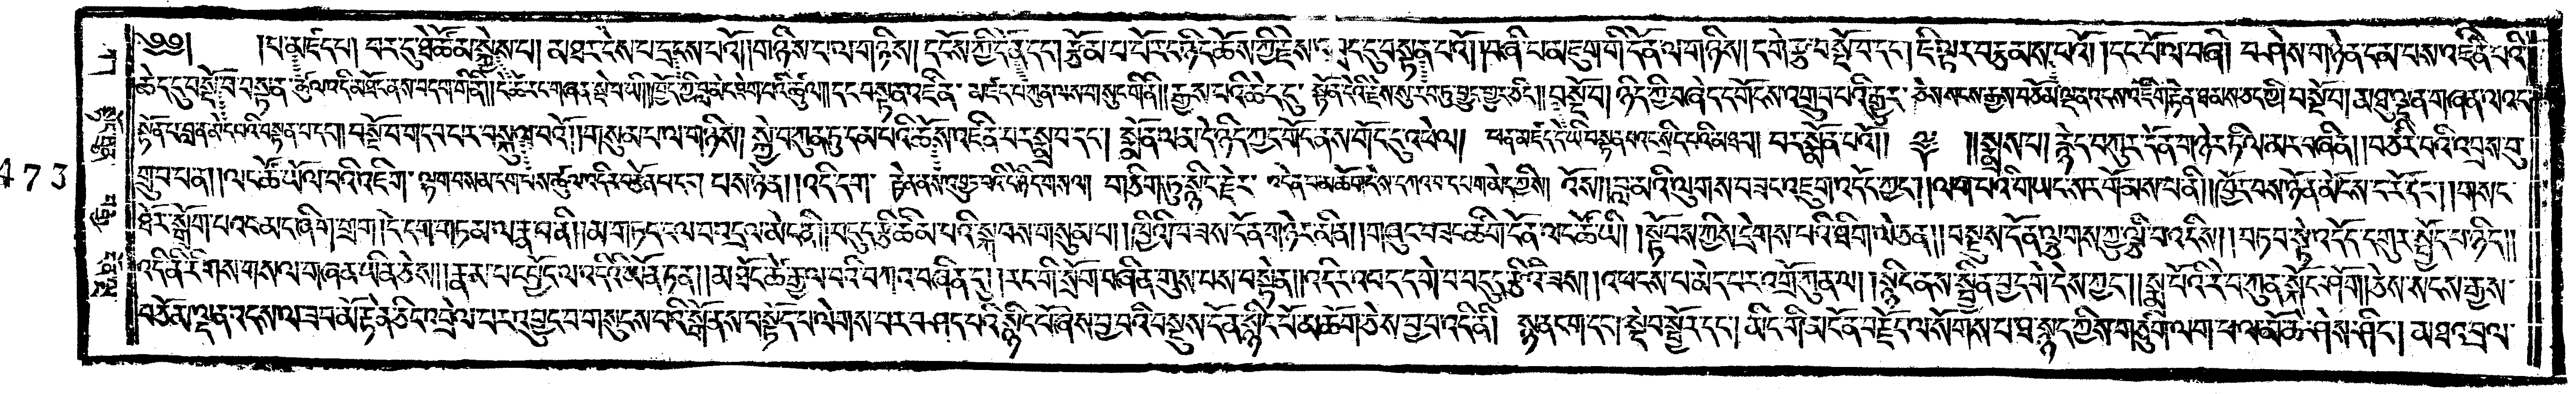༄༅། །པ་མཛད་པ། བར་དུ་ཐེ་ཚོམ་སྐྱེས་པ། མཐར་ངེས་པ་དྲངས་པའོ། །གཉིས་པ་ལ་གཉིས། དངོས་ཀྱི་དོན་དང་། རྩོམ་པ་པོ་རང་ཉིད་ཆོས་ཀྱི་རྗེས་འབྲང་དུ་བསྟན་པའོ། །བཞི་པ་མཇུག་གི་དོན་ལ་གཉིས། དགེ་རྩ་བསྔོ་བ་དང་། ཇི་ལྟར་བརྩམས་པའོ། དང་པོ་ལ་བཞི། བཤེས་གཉེན་དམ་བས་འཛིན་པའི་
ཆེད་དུ་བསྔོ་བ་བསྟན་ཚུལ་འདི་མཐོང་ནས་བདག་གི་ནི། །དེ་ཆོ་རང་གཞན་སྡེ་པ་ཡི། །ཁྱོད་ཀྱི་བླ་མེད་ཐེག་པའི་ཚུལ།།  དང་བསྟན་འཛིན་མཛད་པ་ཀུན་ལས་གསུང་གི་ནི།།  རྒྱས་པའི་ཆེད་དུ་སྟོན་དེའི་རྗེས་སུ་རབ་ཏུ་བྱུང་གྱུར་ཅིང།།  བསྔོ་བ། ཉིད་ཀྱི་བཞེད་དགོངས་འགྲུབ་པའི་རྒྱུར་ཅེས་སངས་རྒྱས་བཅོམ་ལྡན་འདས་འཇིག་རྟེན་ཐམས་ཅད་ཀྱི།  བསྔོ་བ། མཐུ་ལྡན་གཞན་ལའང་
སྟོན་པ་བླ་ན་མེད་པའི་བསྟན་པ་དང།།  བསྔོ་བ་གདབ་པར་བསྐུལ་བའོ། །གསུམ་པ་ལ་གཉིས། སྐྱེ་བ་ཀུན་ཏུ་དམ་པའི་ཆོས་འཛིན་པར་སྨྲ་བ་དང་། སྨོན་ལམ་དེ་ཉིད་ཀྱང་གོང་ནས་གོང་དུ་འཕེལ། ཕན་མཛད་དེ་ཡི་བསྟན་པའང་སྲིད་པའི་མཐར།།  བར་སྨོན་པའོ།། ༈ །།སྨྲས་པ། རྙེད་བཀུར་དོན་གཉེར་ཏིལ་མར་བཞིན། །བཅིར་བའི་འབྲས་བུ་
གྲུབ་པ་ན། །ལང་ཚོ་ཡོལ་བའི་འཇིག་ལྷག་བསམ་ངག་པས་ཚུལ་འདིར་རྩོན་པ་དང་།  པས་ཉེན། །འདི་དག་རྟེན་ནས་འབྱུང་བའི་དེ་ཉིད་གསལ།  གཅིག་ཏུ་སྙིང་རྗེར་འདྲེན་པ་མཆོག་དེས་དཀའ་བ་དཔག་མེད་ཀྱིས།  འོས། །བླ་མའི་ལུགས་བཟང་འཇུག་འདོད་ཀྱང་། །ལག་པའི་གཡངས་གོ་མས་པ་ནི། །ཁྱོར་བས་ཉོན་མོངས་ང་རོ་དང་། །གསང་
ཐོར་སྒྲོག་པའང་མང་ཞིག་གྲག །དེ་དག་གཏམ་ལ་རྣ་བ་ནི། །མ་གཏད་ངལ་བ་འདྲལ་མེད་ནི། །བདུད་རྩི་ཚིམ་པའི་སྐབས་གསུམ་པ། །ཁྱིའི་ཁ་ཟས་དོན་གཉེར་མིན། །གཞུང་བཟང་ཚིག་དོན་ལང་ཚོ་ཡི། །སྟོབས་ཀྱིས་དྲེགས་པའི་ཐིག་ལེ་ཅན། །བསྡུས་དོན་ལྕགས་ཀྱུ་ལྕི་པ་འདིས། །བཏབ་སྟེ་འདོད་དགུར་སྤྱོད་པ་ཉིད།།
འདི་ནི་རིགས་གསལ་གཞན་ཡིན་ཅེས། །རྣམ་པ་དཔྱོད་ལ་འདིའི་ཡོན་ཏན། །མཐོང་ཚེ་རྒྱལ་བའི་བཀའ་བཞིན་དུ། །རང་གི་སྲོག་བཞིན་གུས་པས་བསྟེན། །འདིར་འབད་དགེ་བ་བདུད་རྩིའི་ཟས། །འཕངས་པ་མེད་པར་འགྲོ་ཀུན་ལ། །སྙིང་ནས་སྦྱིན་བྱ་དགེ་དེས་ཀྱང་། །སྨྲ་པོའི་རཻ་བ་ཀུན་སྐོང་ཤོག། ཅེས་སངས་རྒྱས་
བཅོམ་ལྡན་འདས་ལ་ཟབ་མོ་རྟེན་ཅིང་འབྲེལ་བར་འབྱུང་བ་གསུངས་པའི་སྒོ་ནས་བསྟོད་པ་ལེགས་བར་བཤད་པའི་སྙིང་པོ་ཞེས་བྱ་བའི་བསྡུས་དོན་སྙིང་པོ་མཆོག་ཅེས་བྱ་བ་འདི་ནི། སྙན་ངག་དང་། སྡེབ་སྦྱོར་དང་། མིང་གི་མངོན་བརྗོད་ལ་སོགས་པ་ཐ་སྙད་ཀྱིས་གཙུག་ལག་ཕལ་མོ་ཆེ་ཤེས་ཤིང་། མཐའ་བྲལ་